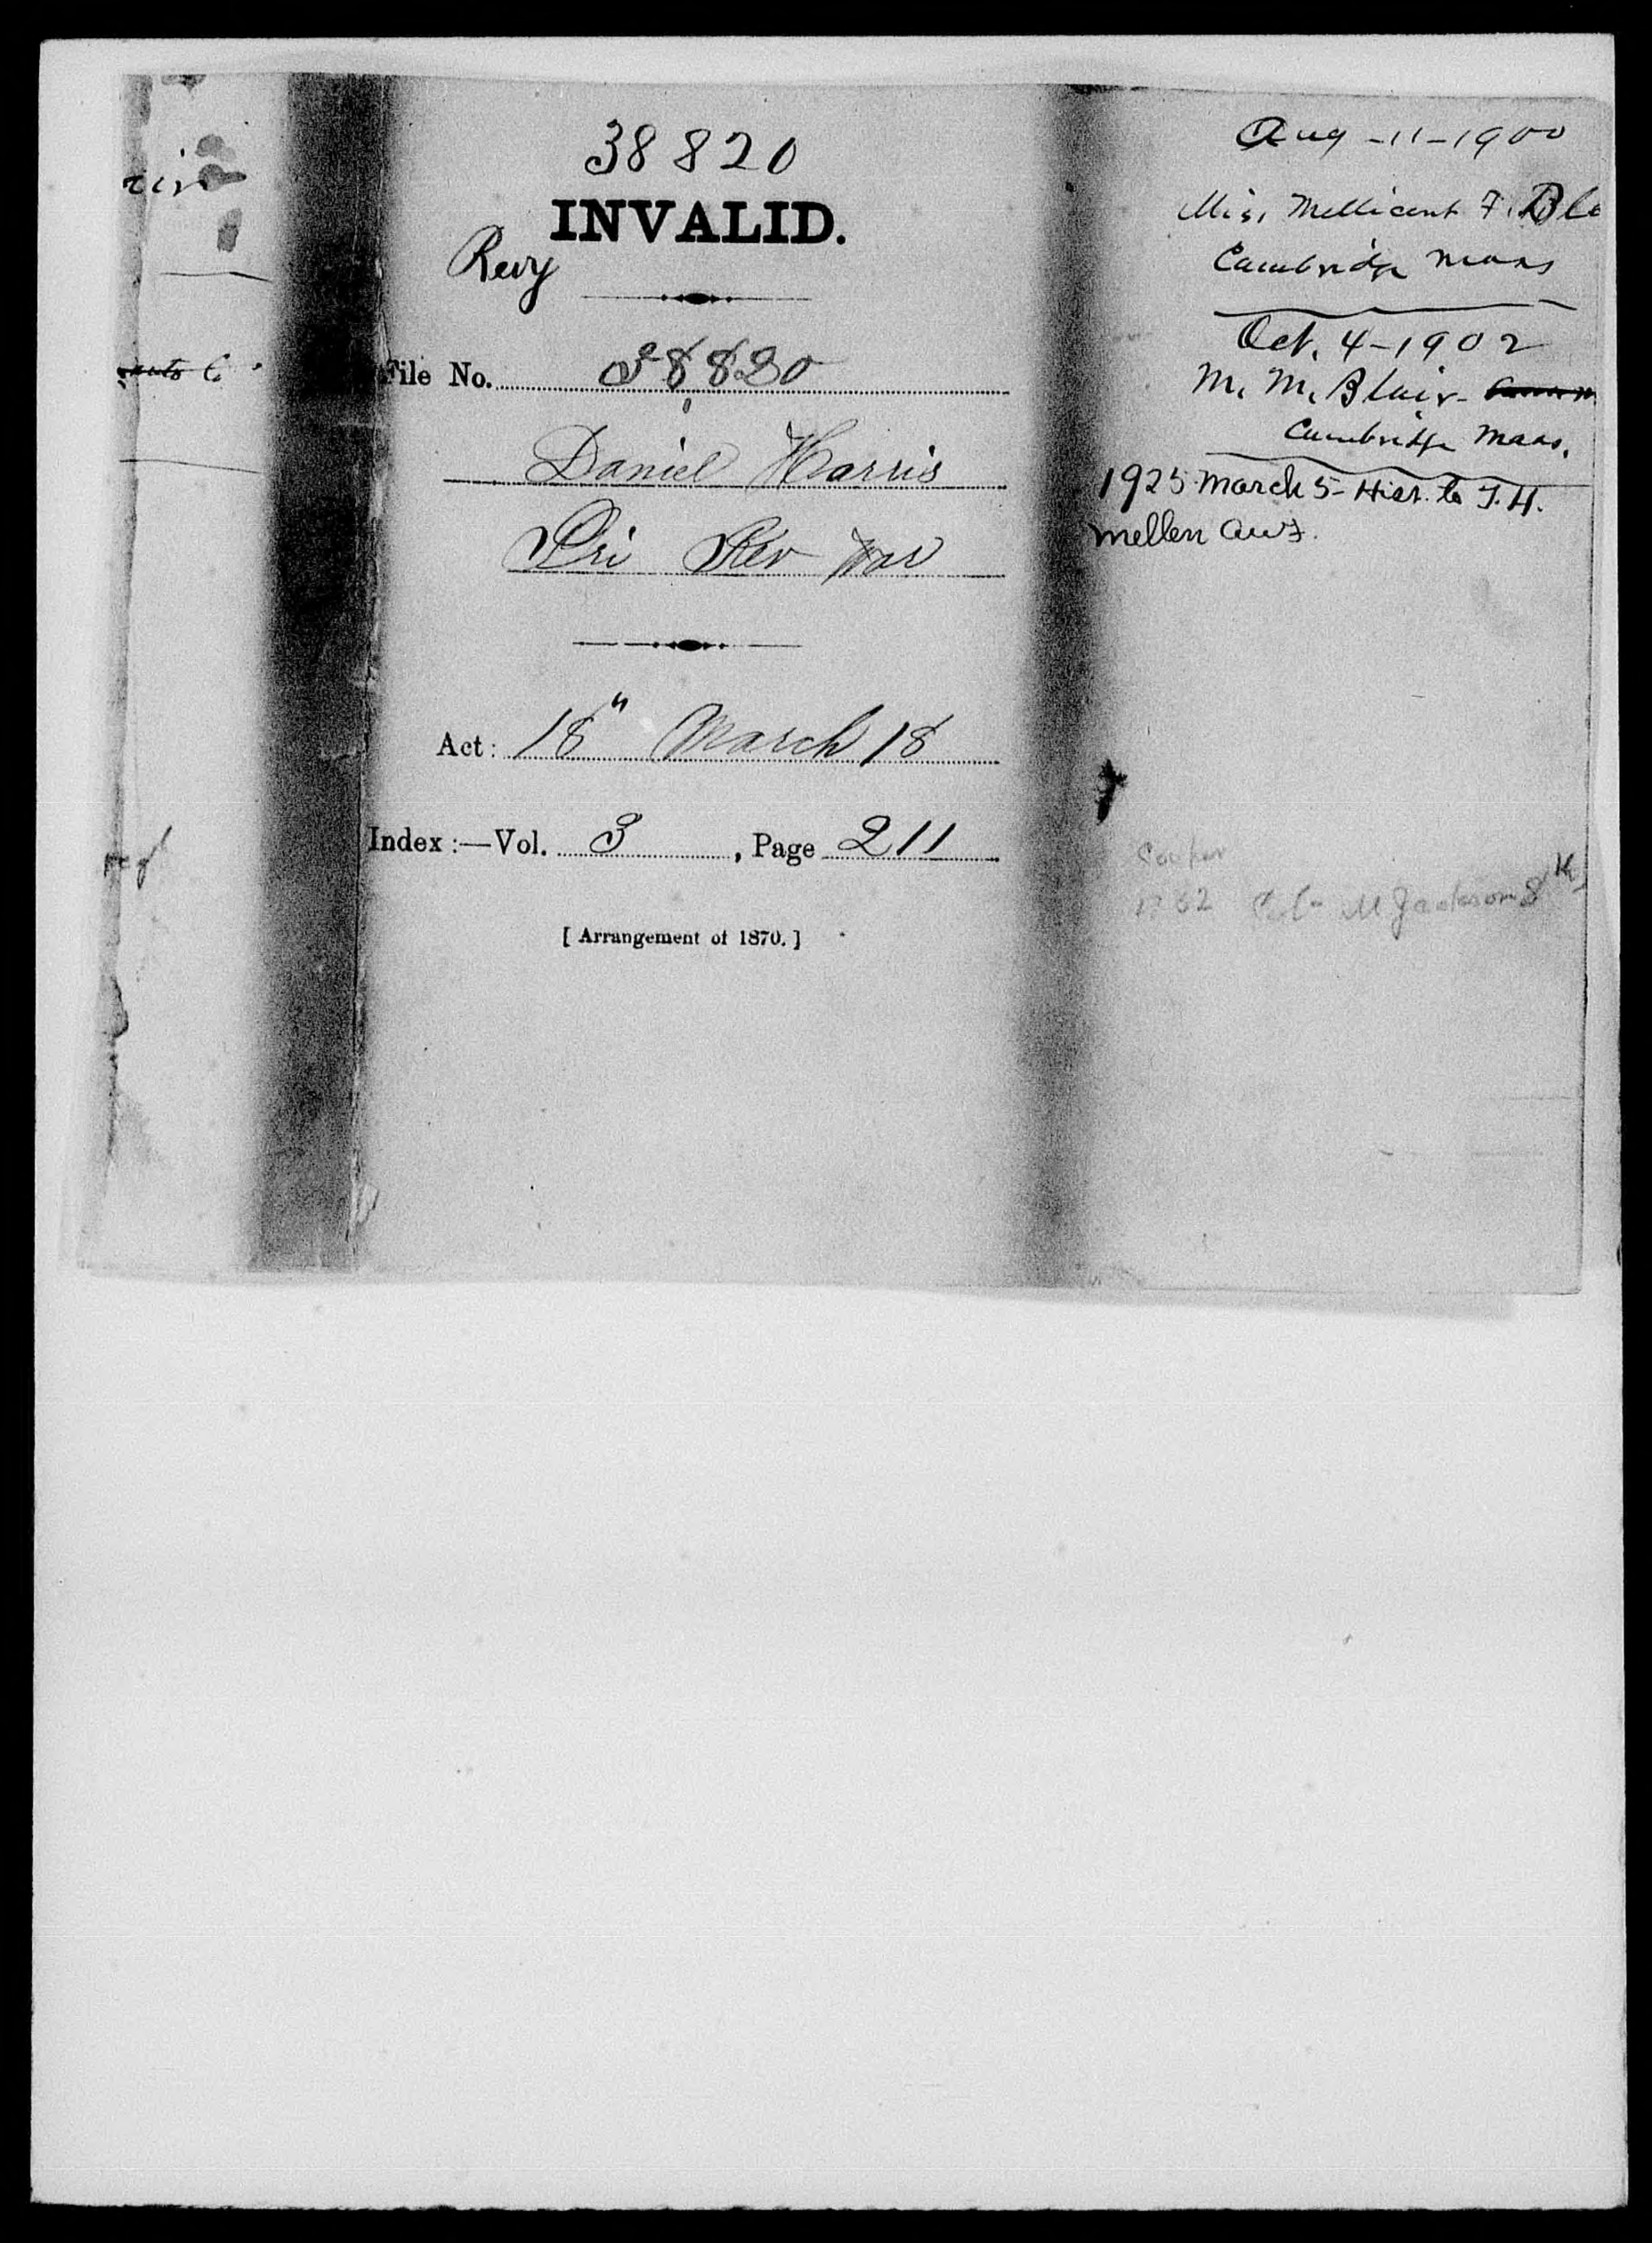[Left side of document]
38820
INVALID
File No. 38820
Daniel Harris
Pri Rev War

Act:  18 March 18
Index: - Vol. 3, Page 211
[Arrangement of 1879.]

[Right side of document]
First 2 lines illegible. 

Oct 4 - 1902
M.M. Blair
Cambridge  Mass. 

1925 March 5  - Hist to T H Mellen (?)


Cooper
1832  Col - M Jackson 8 k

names: Mellicent F Blair, Daniel Harris, M Jackson, T H Mellen, M M Blair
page: 46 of 68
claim: survivor's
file: S. 29,877, Daniel Harris, Mass.